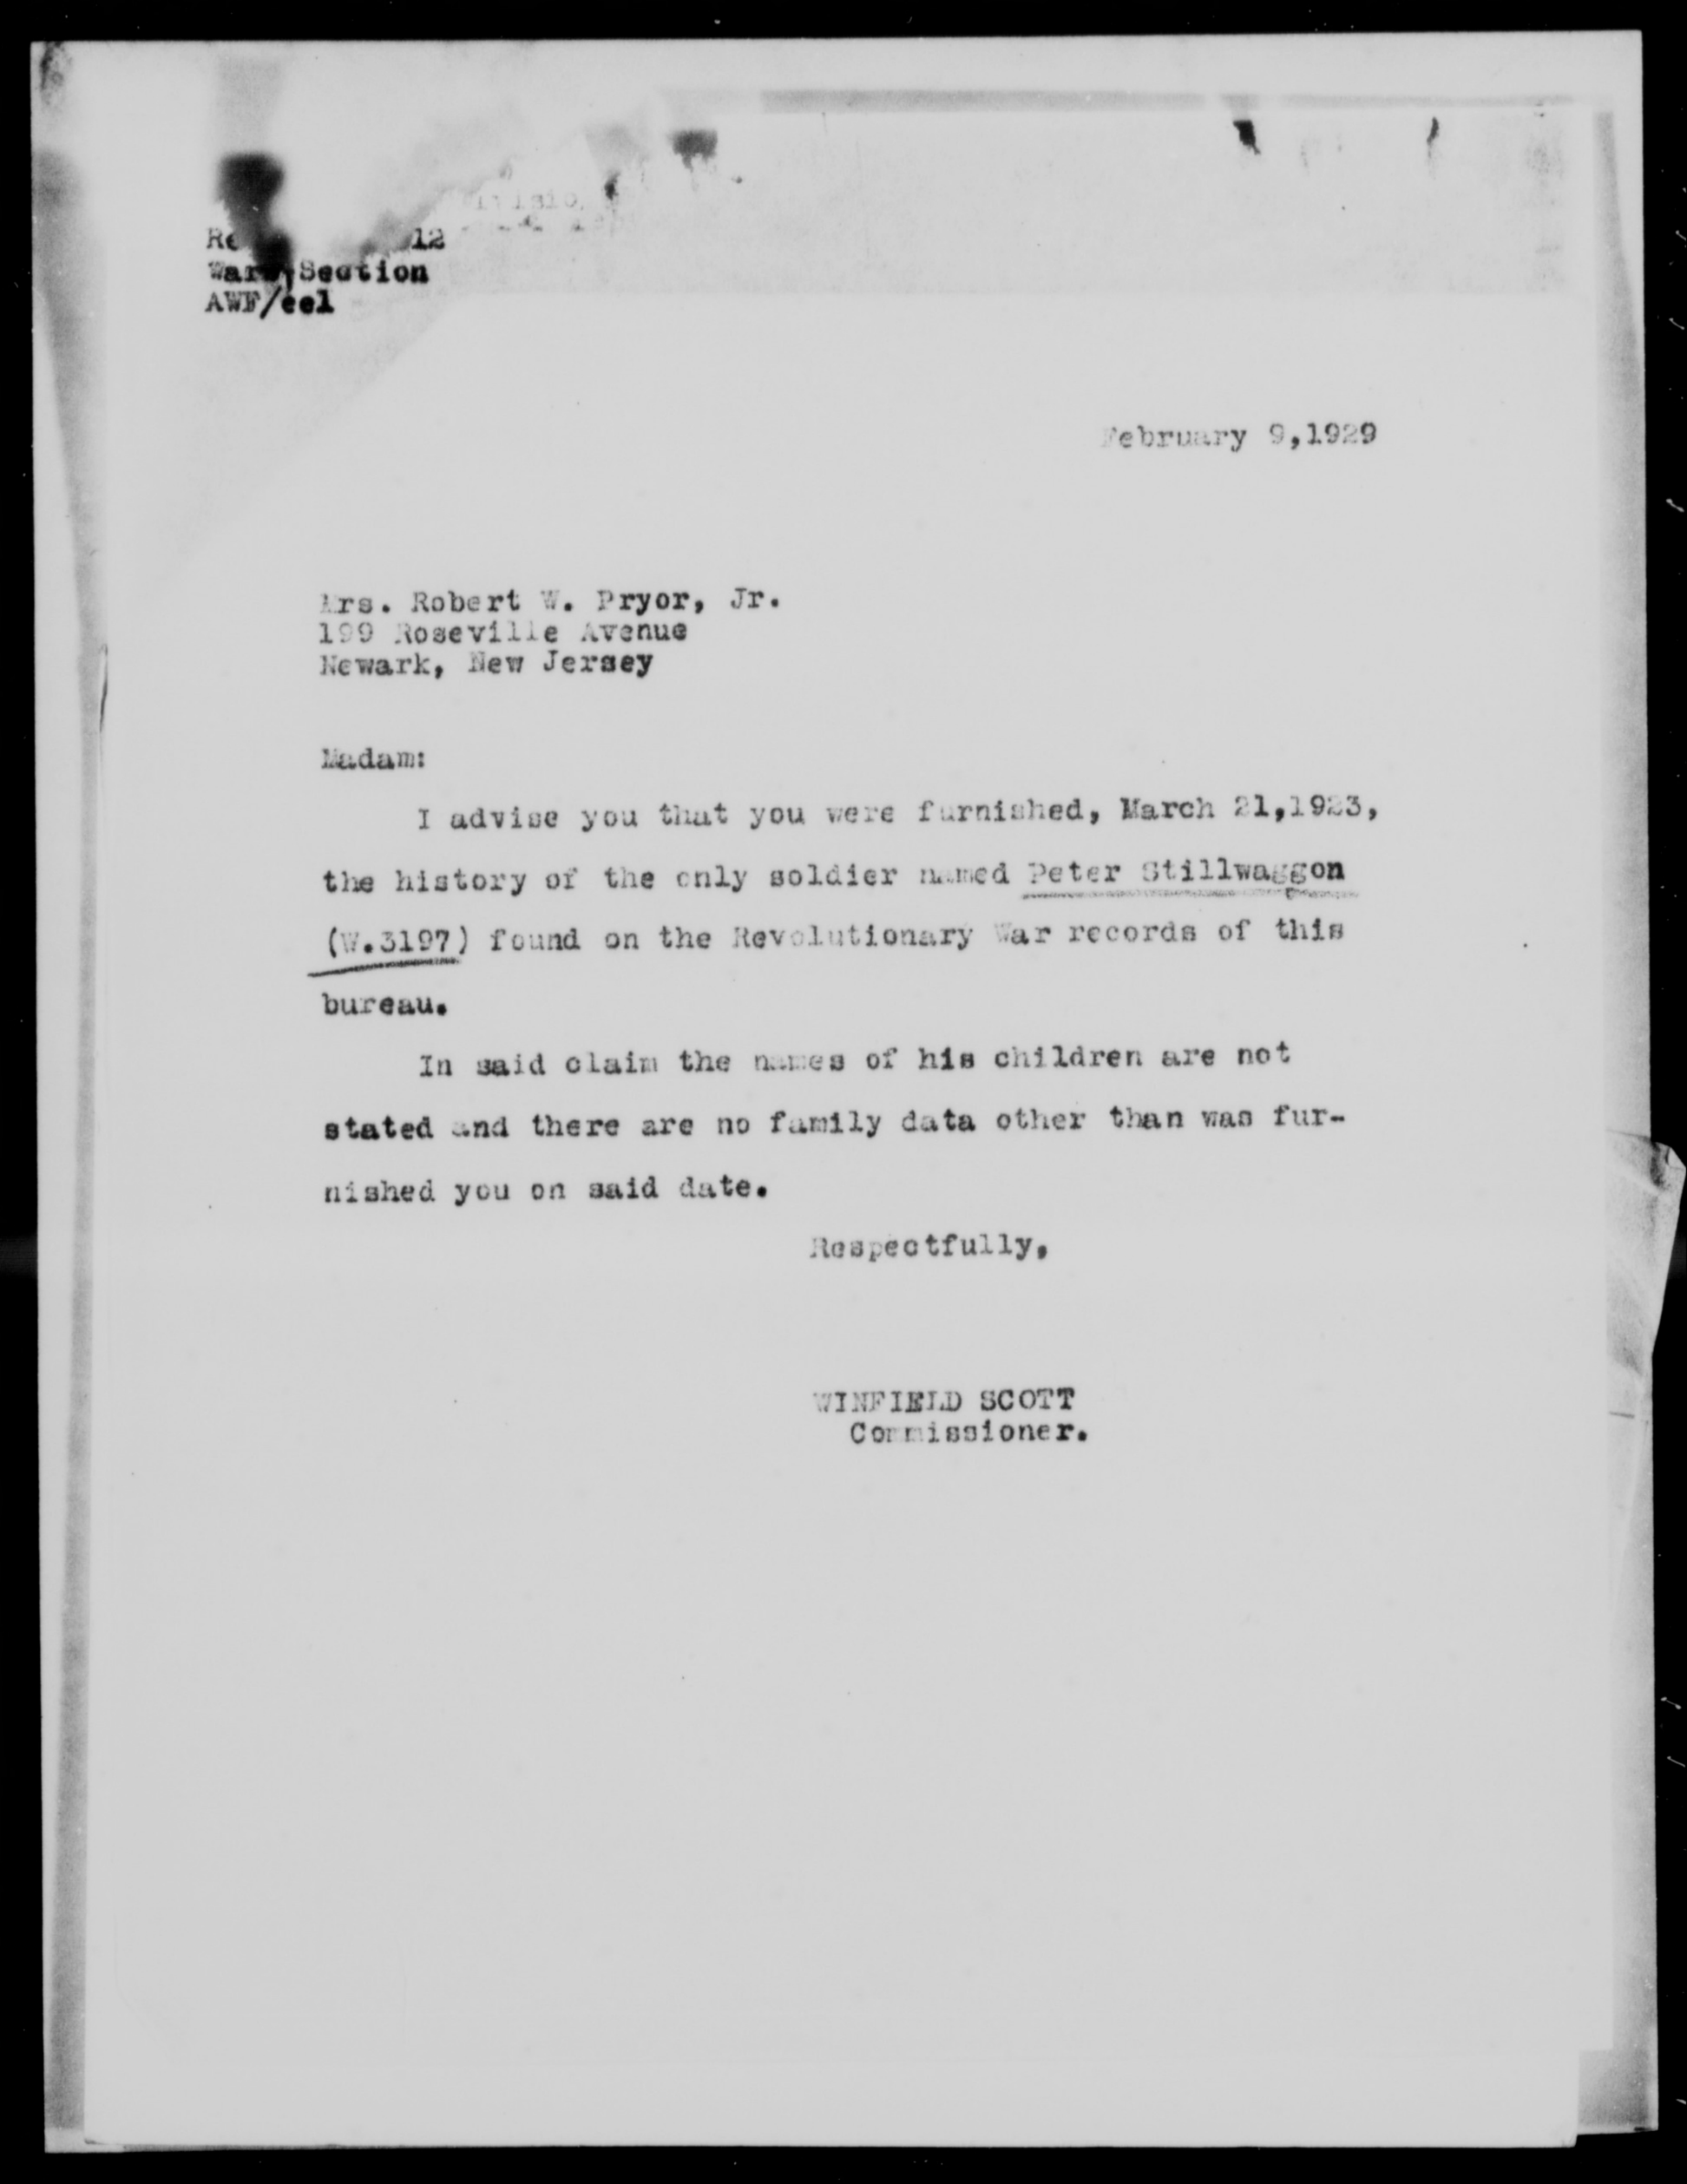[upper left corner, partially obscured by what appears to be moisture/water]
Re [illegible] 12
War [possible illegible word] Section
AWF/eel
[upper left corner, partially obscured by what appears to be moisture/water] 

February 9, 1929

Mrs. Robert W. Pryor, Jr.
199 Roseville Avenue
Newark, New Jersey

Madam:
I advise you that you were furnished, March 21, 1923, the history of only soldier named Peter Stillwaggon [sic] (W.3197) found on the Revolutionary War records of this bureau.

In said claim the names of his children are not stated and there are no family data other than was furnished you on said date.

Respectfully,

WINFIELD SCOTT
Commissioner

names: Robert W Pryor; Peter Stillwaggon; Winfield Scott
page: 65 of 73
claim: widow's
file: W. 3197, for Peter Stillwagon, New Jersey